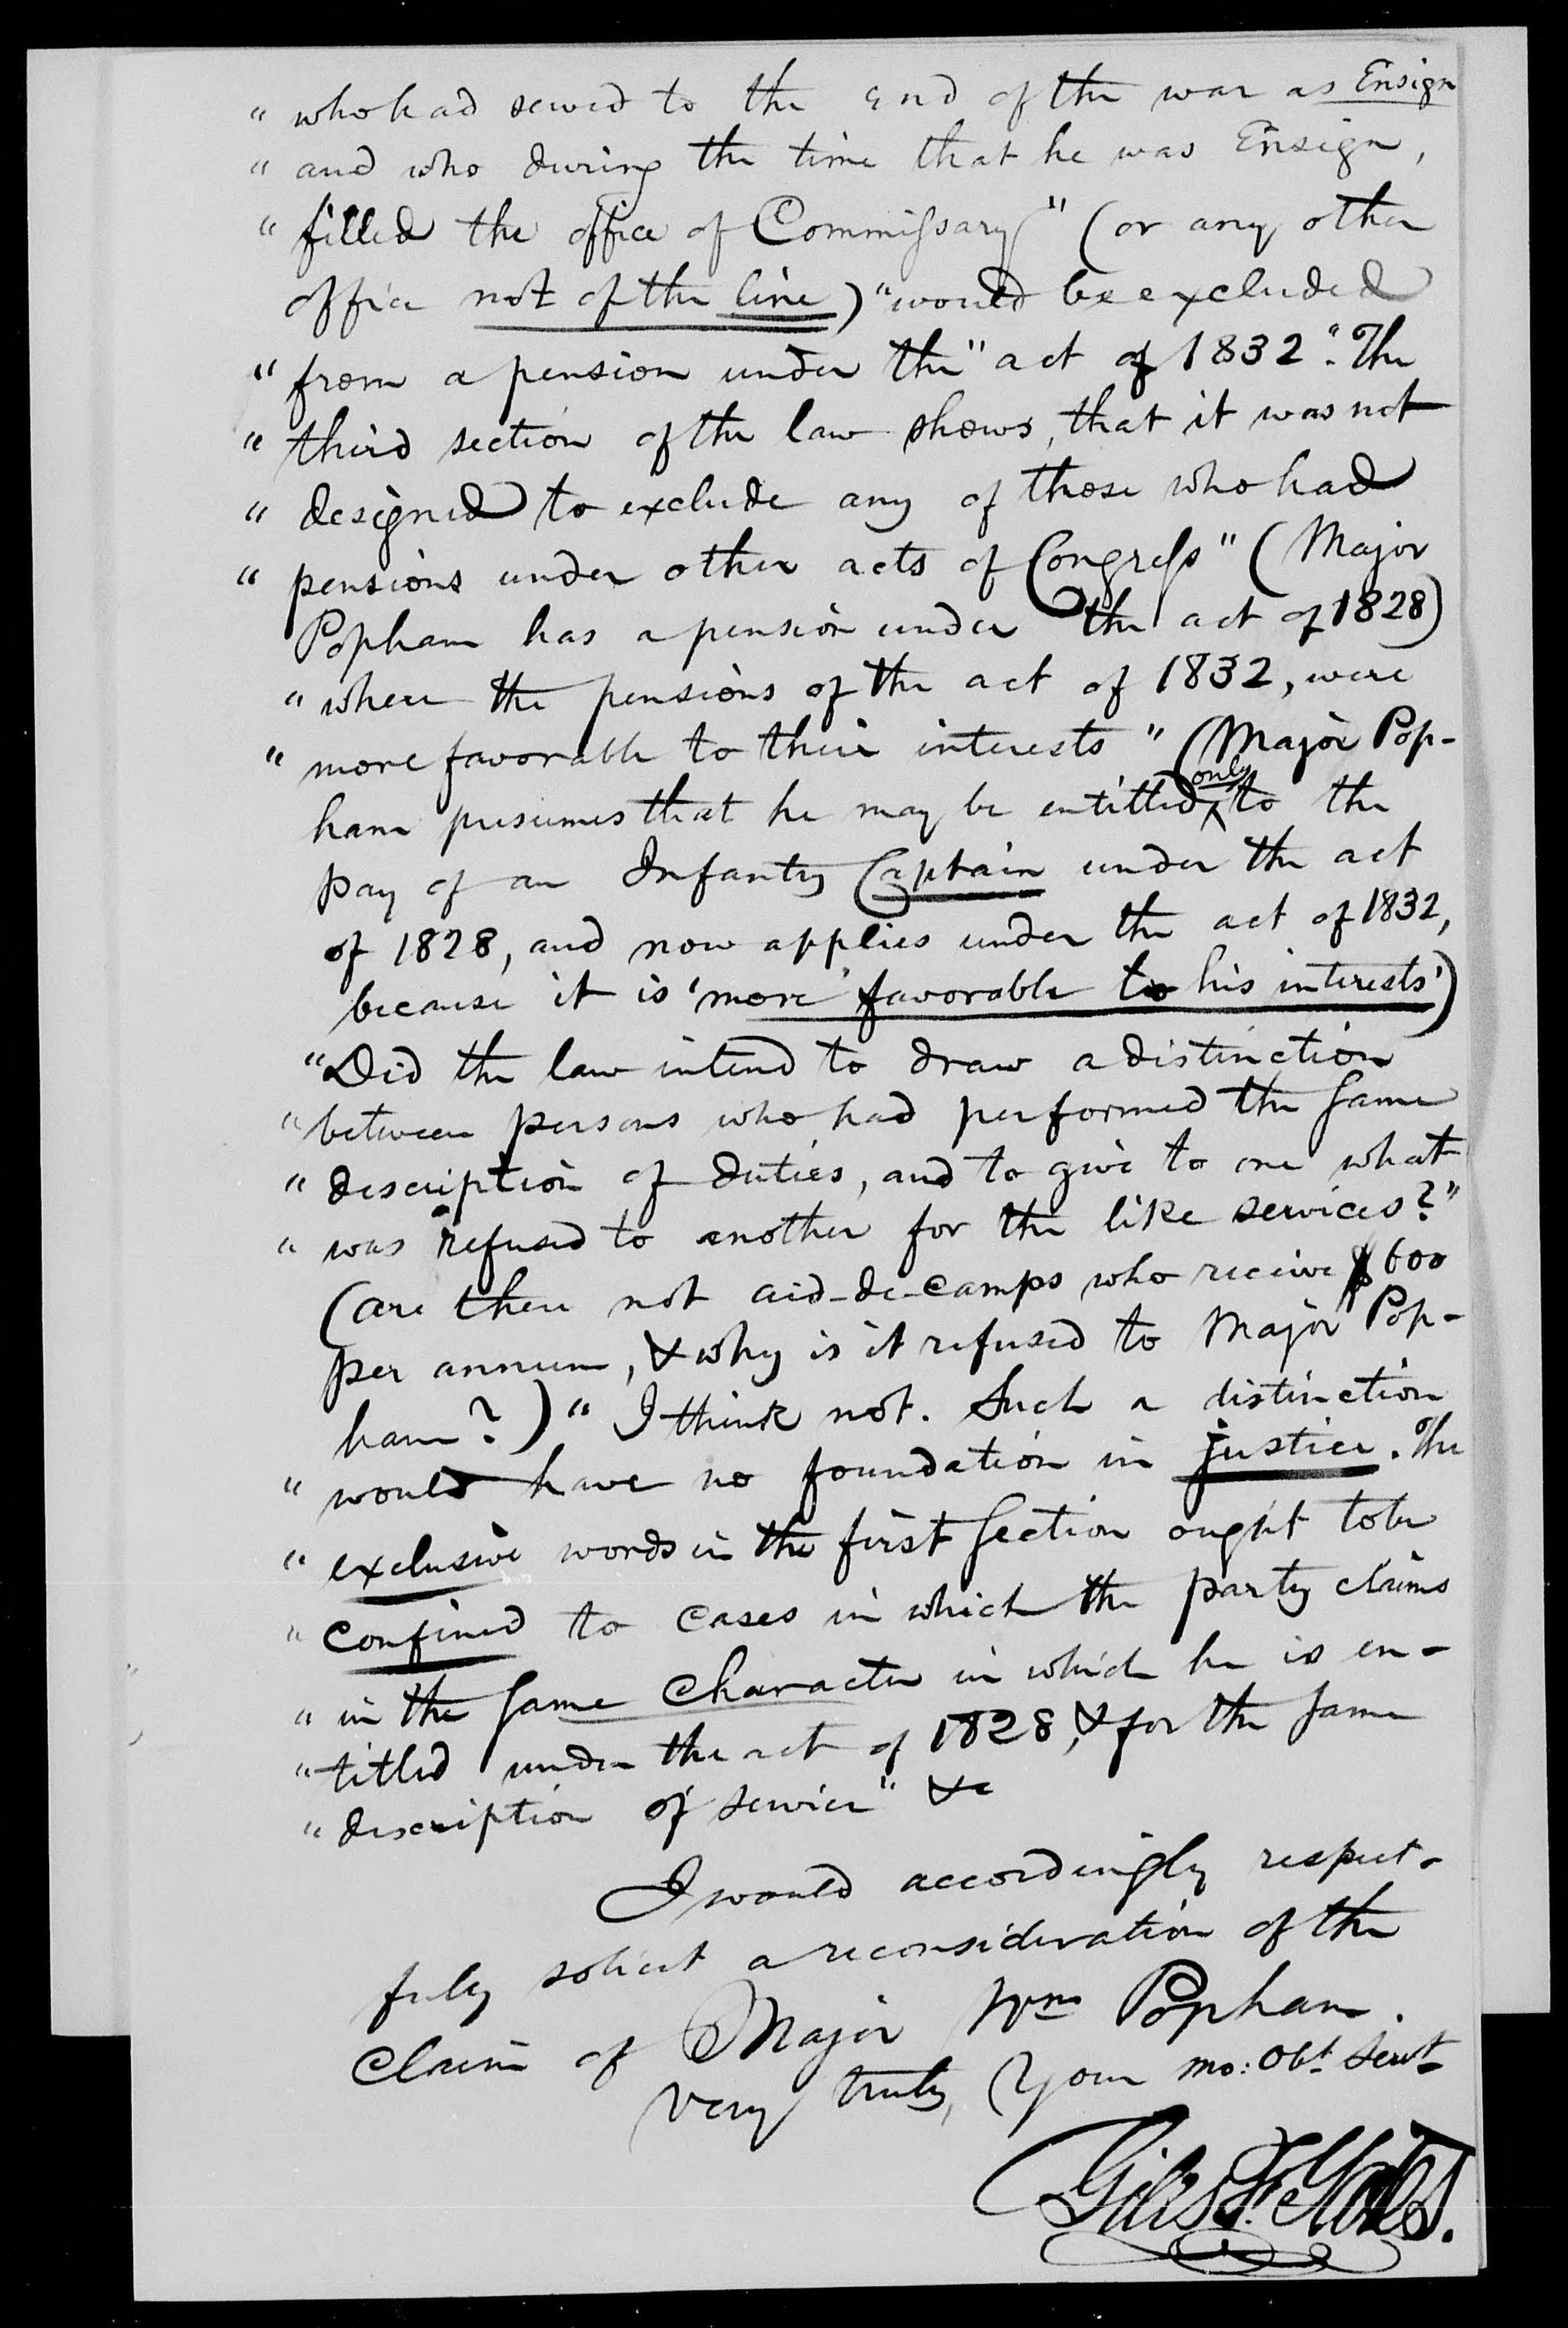" who had served to the end of the war as Ensign
" and who during the time that he was Ensign
" filled the office of Commissary" (or any other
office not of the line) "would be excluded
"from a pension under the" act of 1832." The
"third section of the law shows, that it was not
" designed to exclude any of those who had
"pensions under other acts of Congress "Major
Popham has a pension under the act of 1828
" when the pensions of the act of 1832, were
"more favorable to their interest"
(Major Pope
have presumes that he may be entitled to the
pay of an Infantry Contain under the act
of 1828, and now applies under the act of 1832,
because it is more favorable to his interests)
"Did the law intend to draw a distinction
"between persons who had performed the same
"description of duties, and to give to one what 
"was refused to another for the like services?"
(are then not aid-de-camps who receive $600
per annum, & why is it refused to Major Popham?)
I think not. Such a distinction
"would have no foundation in justice. The
"exclusive words in the first section ought to be
"confined to cases in which the party claims
"in the same character in which he is in
"titled under the act of 1828, & for the same
"description of service" to
I would accordingly respect &
fuly
solicit a reconsideration of the
claim of Major Wm Popham
Very truly, 
Your mo: Obt Servt
Giles F. Yates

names: Wm Popham; Giles F Gates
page: 65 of 75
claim: survivor's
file: S. 9989, for William Popham, Delaware